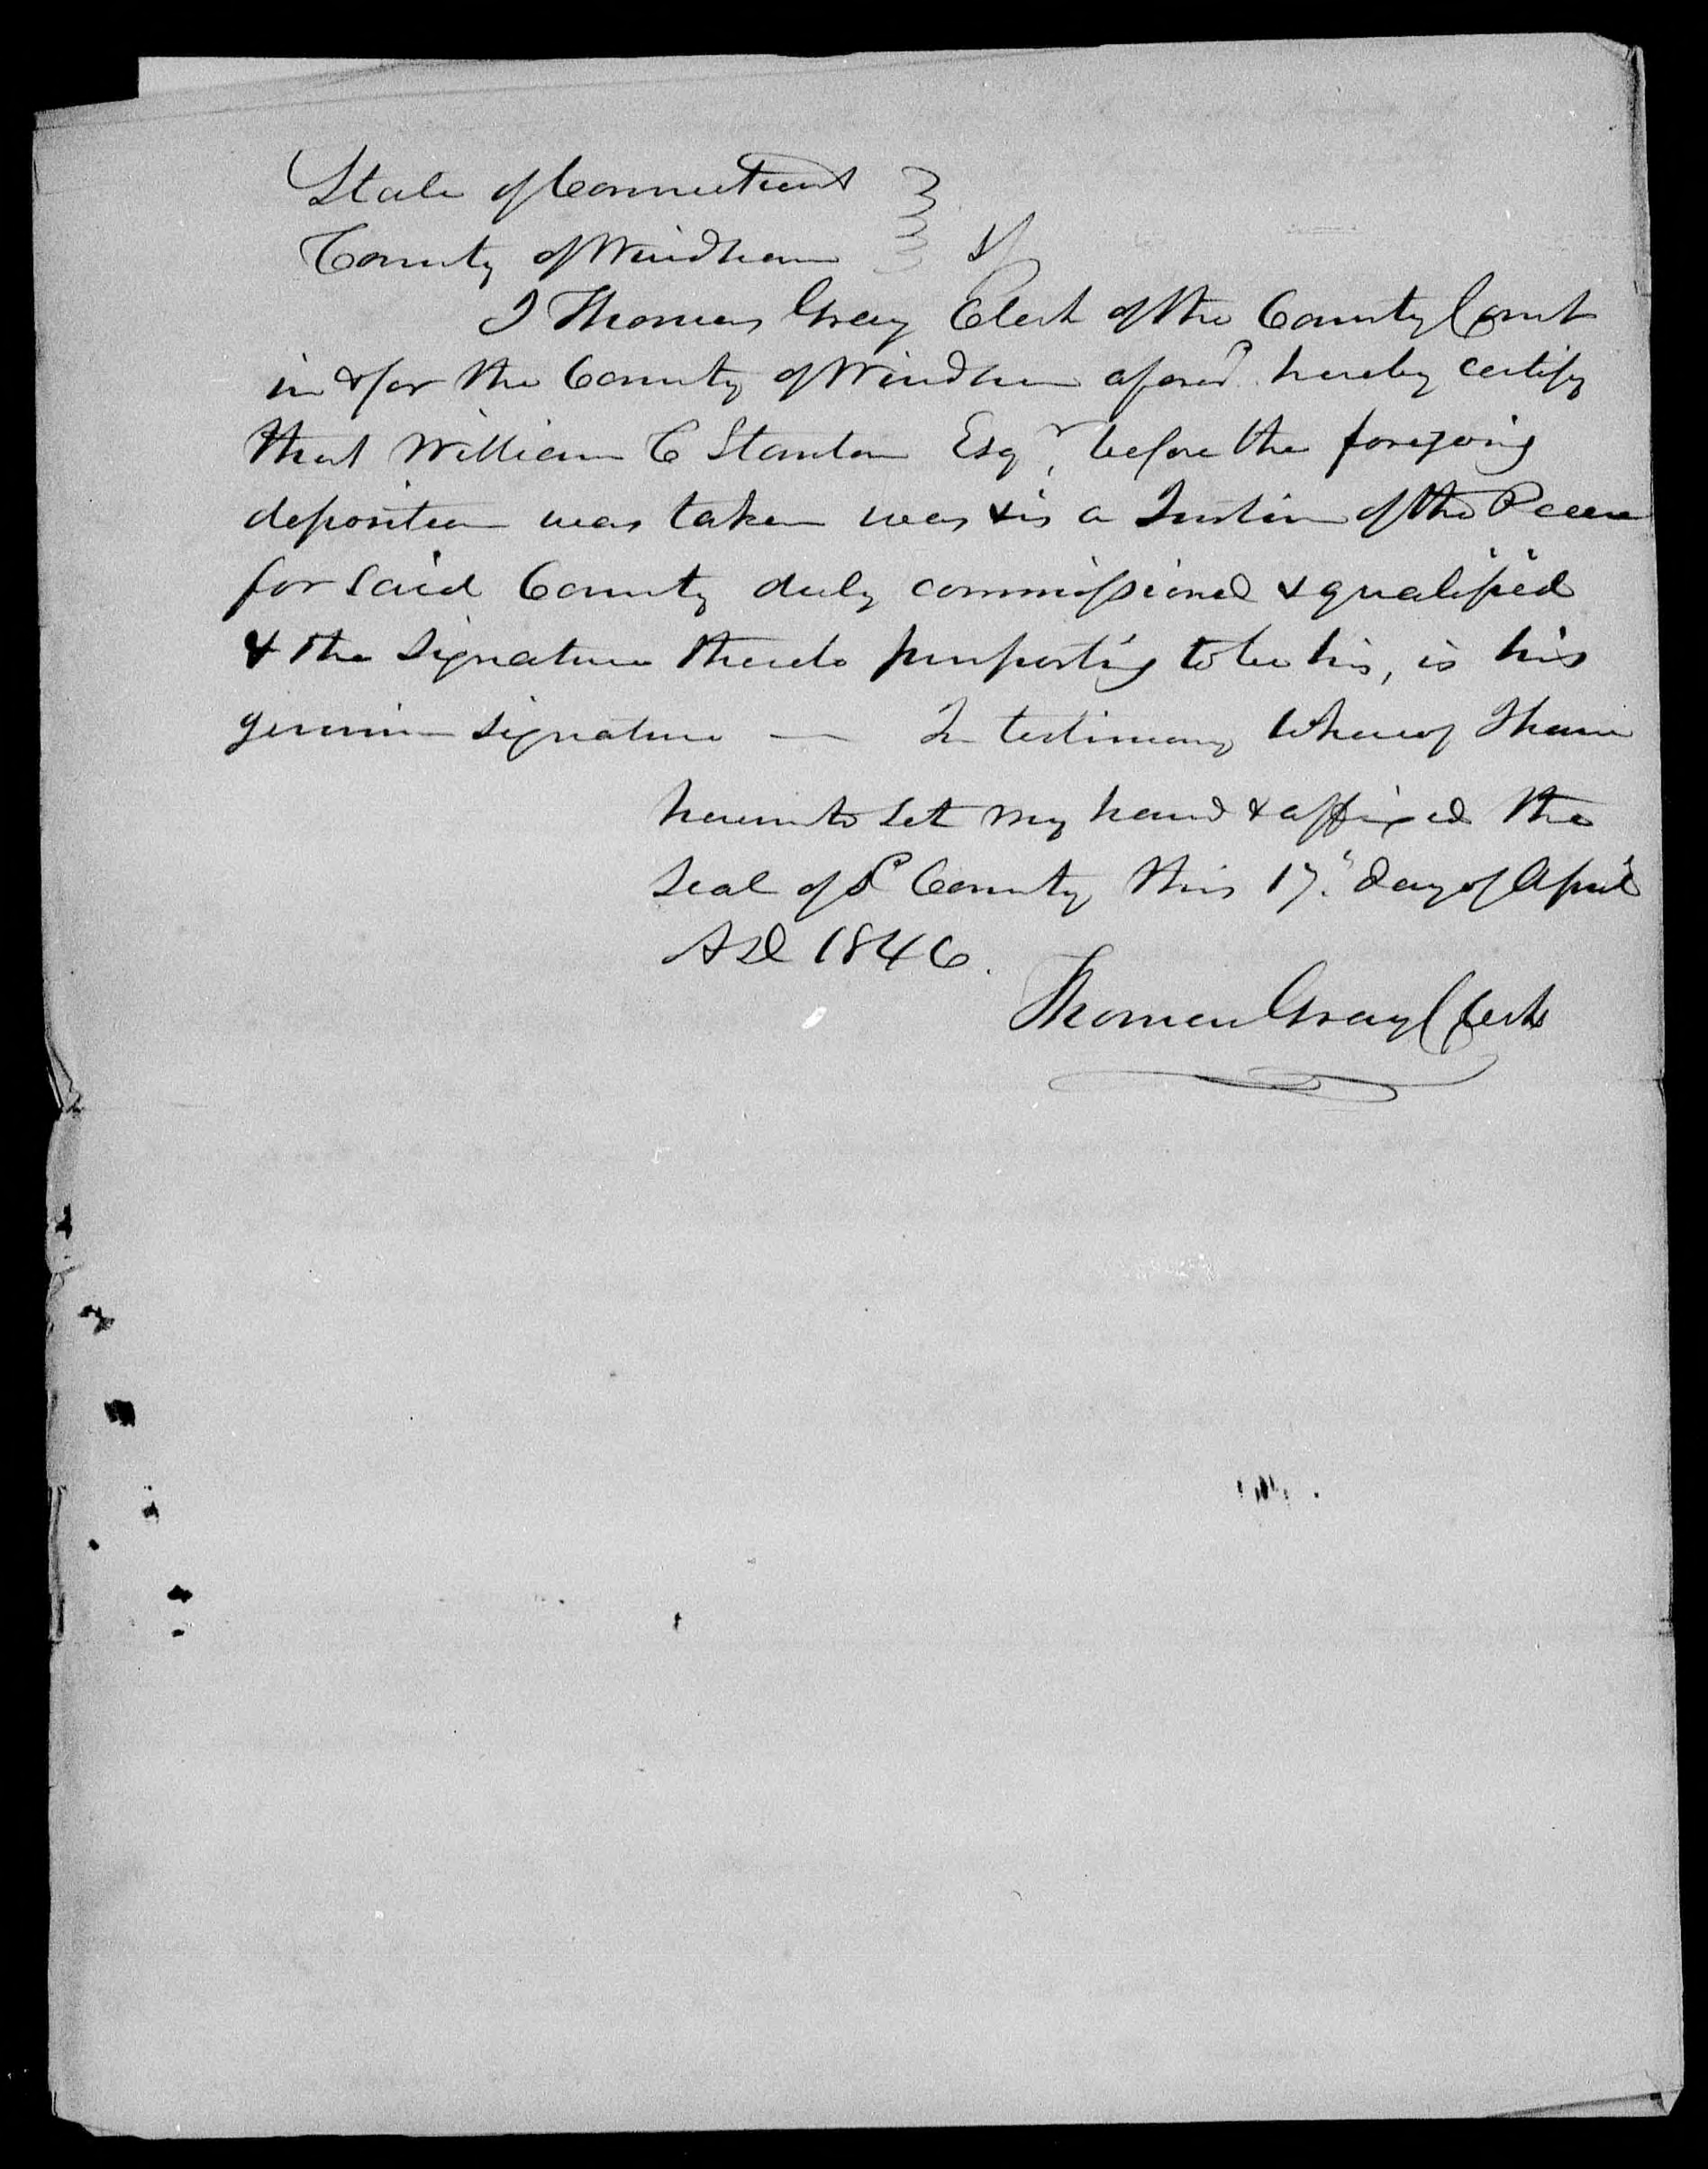State of Connecticut
County of Windham
I Thomas [Ney] Elect of the County Court in for the County of Windham aforesaid hereby certify that William C. Stanten Esq before the foregoing deposition was taken was & is a Justice of the Peace for said County duly commissioned & qualified & the signature thereto purporting to be his, is his genuine signature — In testimony whereof therein
hereunto let my hand & affidavit the 
seal of County this 17th day of April 
AD 1846
[Thomas Gray?]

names: Thomas Gray, William C Stanton, Thomas Gray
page: 24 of 40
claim: rejected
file: R. 4251, John Green, Conn.